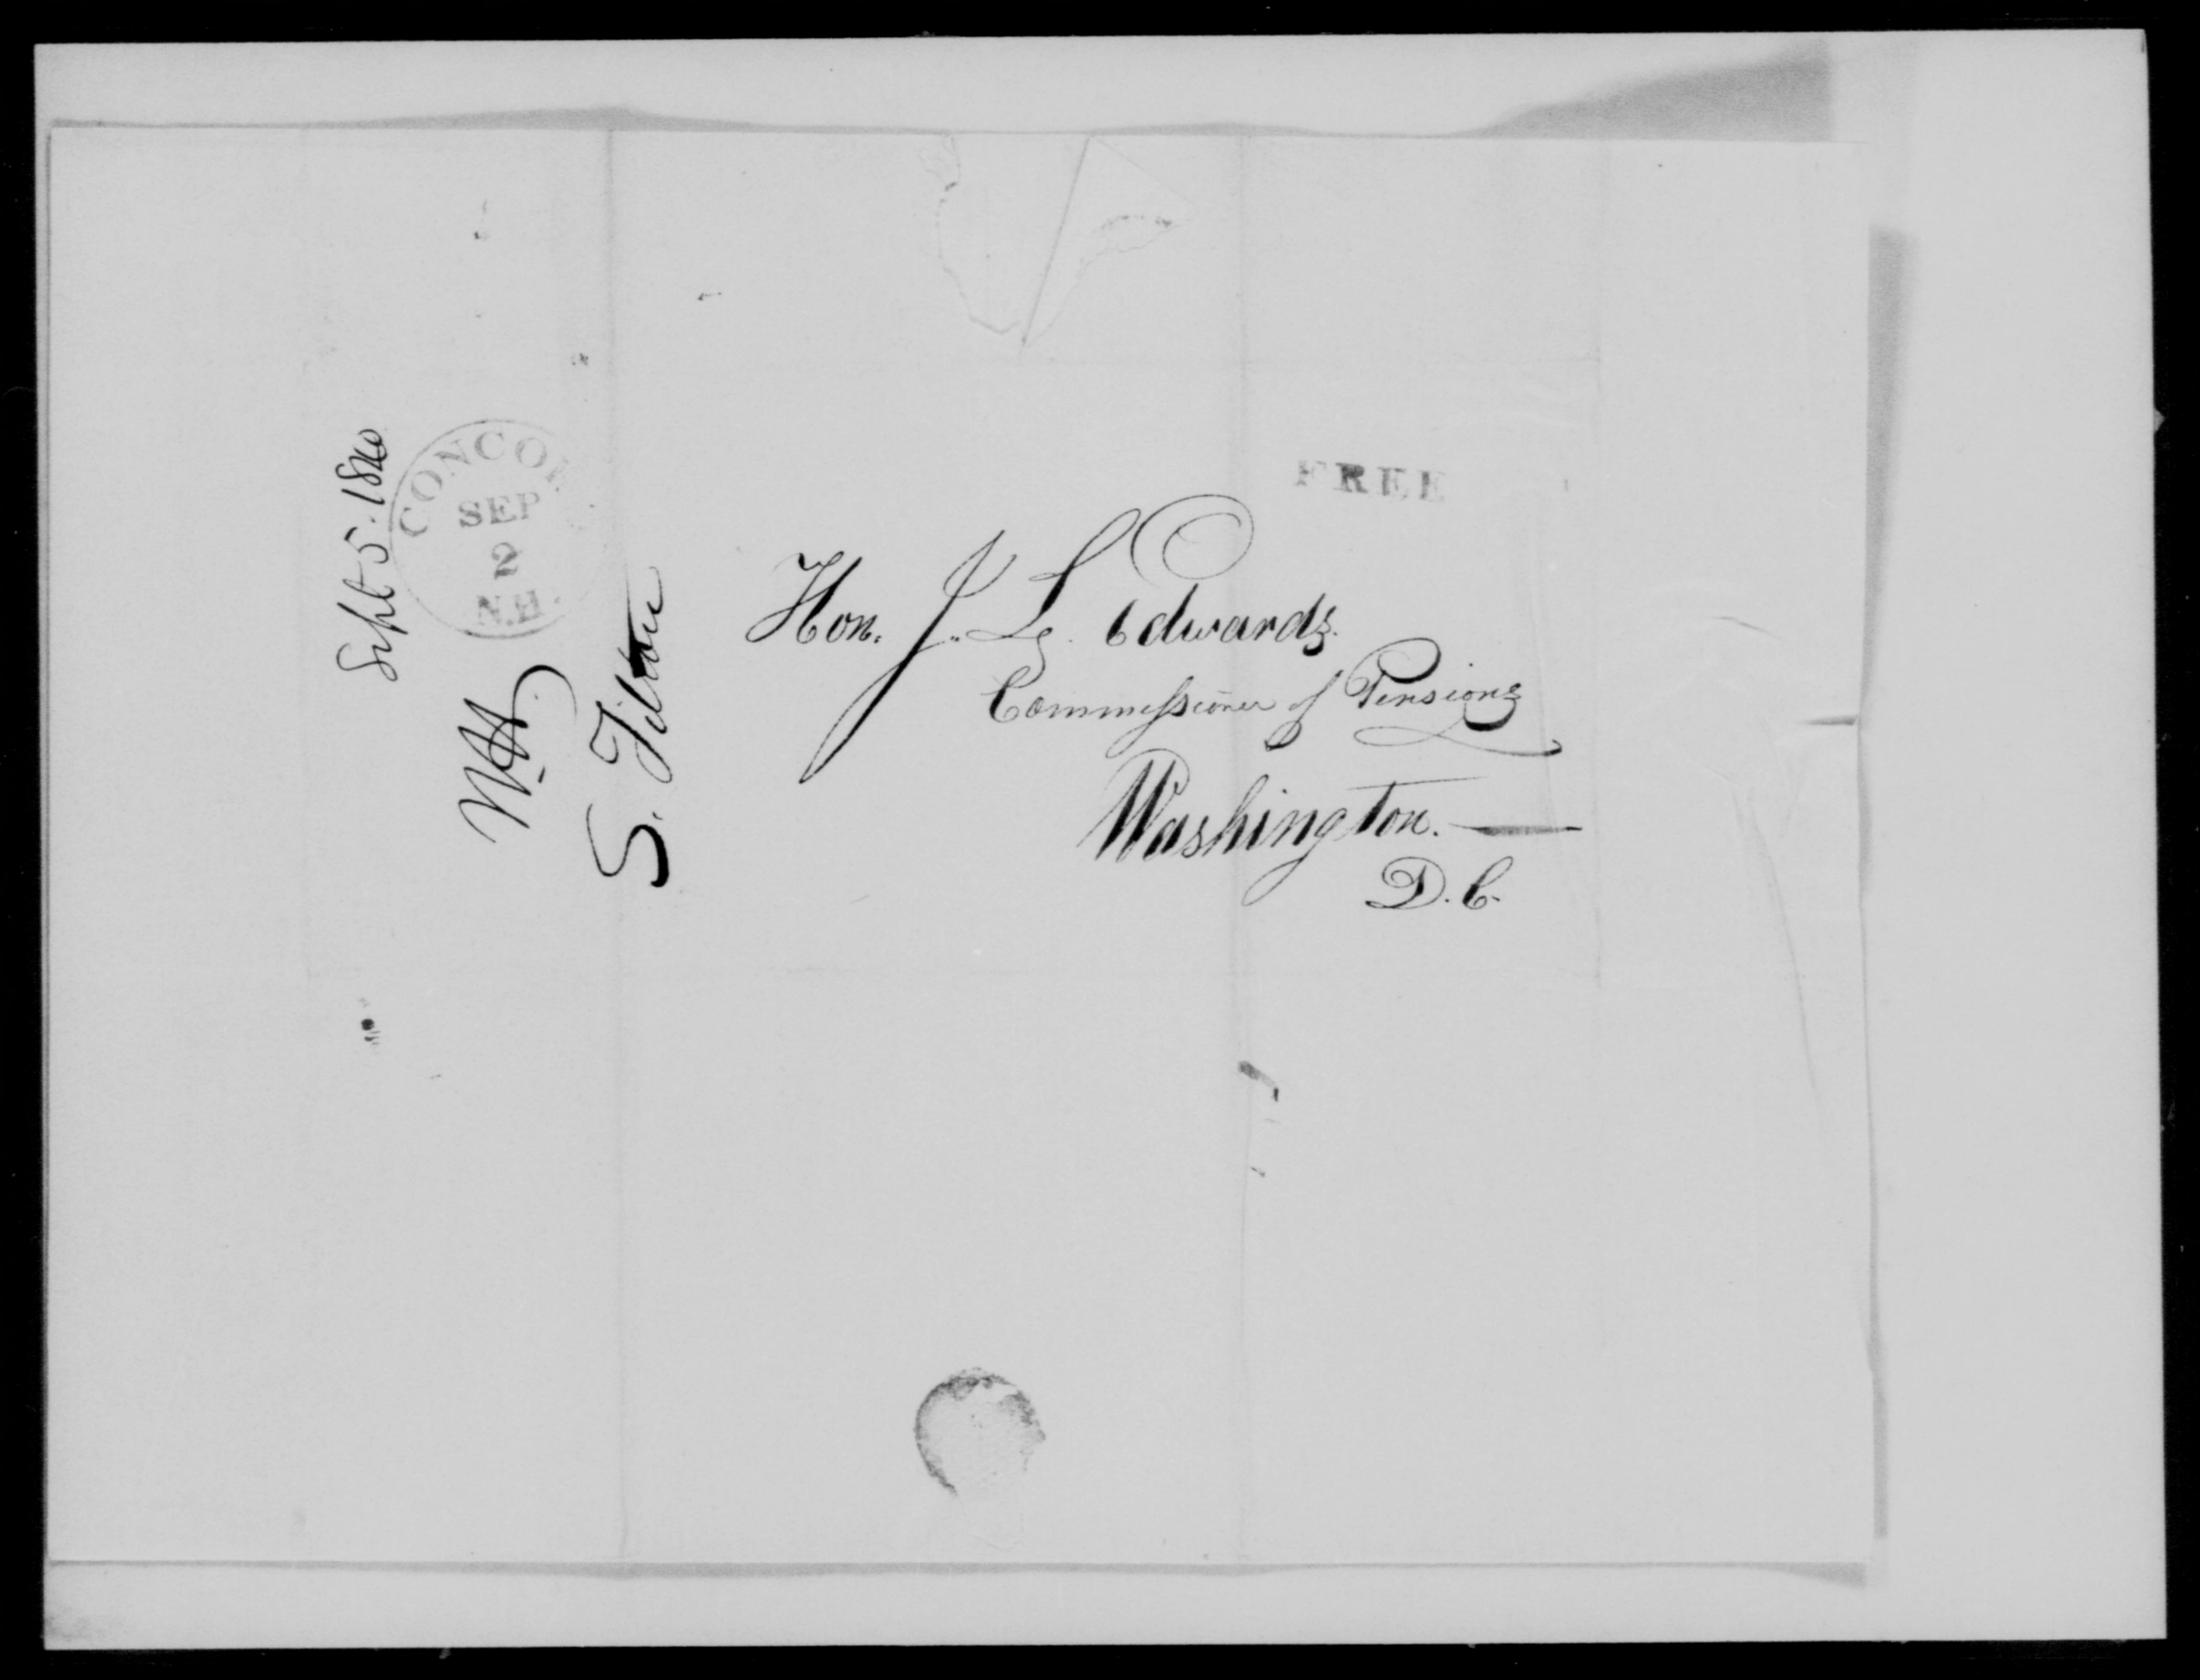Sept 5 1840
N. H.
S. Tilton
[stamp] Concord N. H. Sep 2
Free
Hon. J L Edwards
Commissioner of Pensions
Washington D. C.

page: 32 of 55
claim: widow's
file: W. 14,021, for Samuel Tilton, New Hampshire